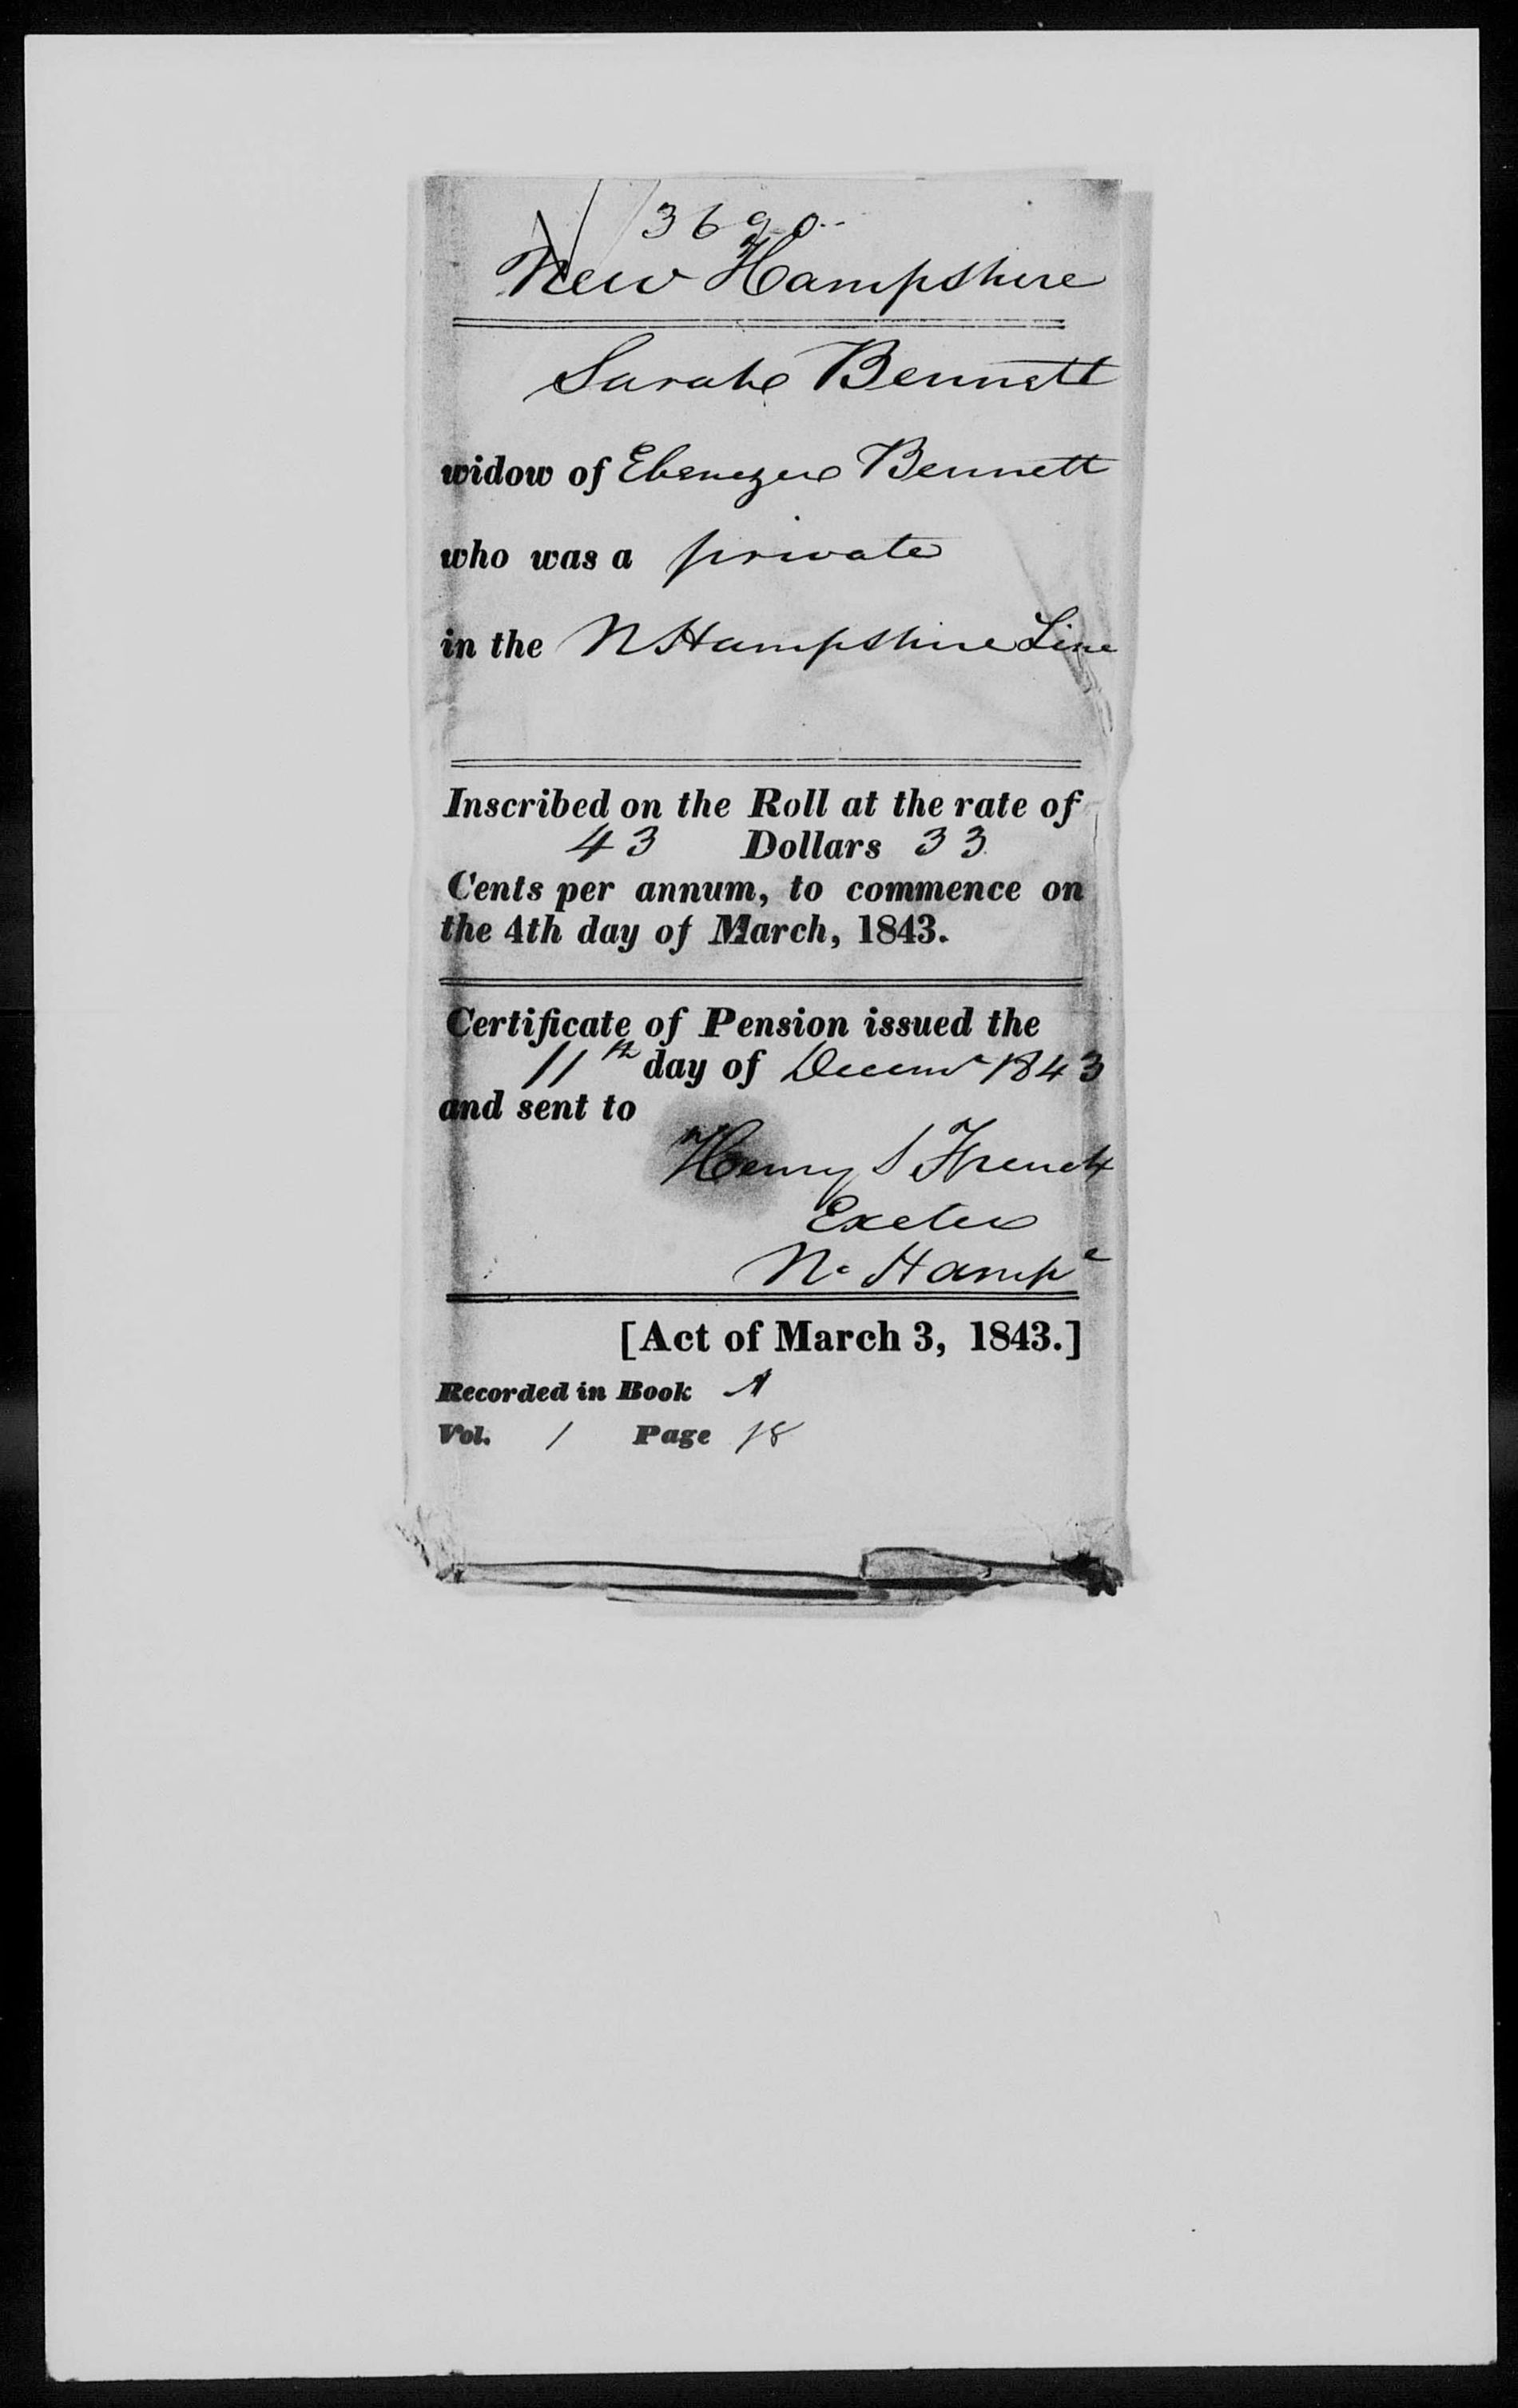3690
New Hampshire
===============
Sarah Bennett
widow of Ebenezer Bennett
who was a private
in the N Hampshire Line
=================
Inscribed on the Roll at the rate of
43 Dollars 33 Cents per annum, to commence on
the 4th day of March, 1843.
====================
Certificate of Pension issued the
11th day of Decemr 1843
and sent to Henry S. French
Exeter
N. Hamp
====================
[Act of March 3, 1843.]
Recorded in Book A
Vol. 1 Page 18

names: Henry S French, Sarah Bennett, Ebenezer Bennett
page: 24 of 43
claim: widow's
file: W. 21665, Ebenezer Bennett, N. H. Privateer.